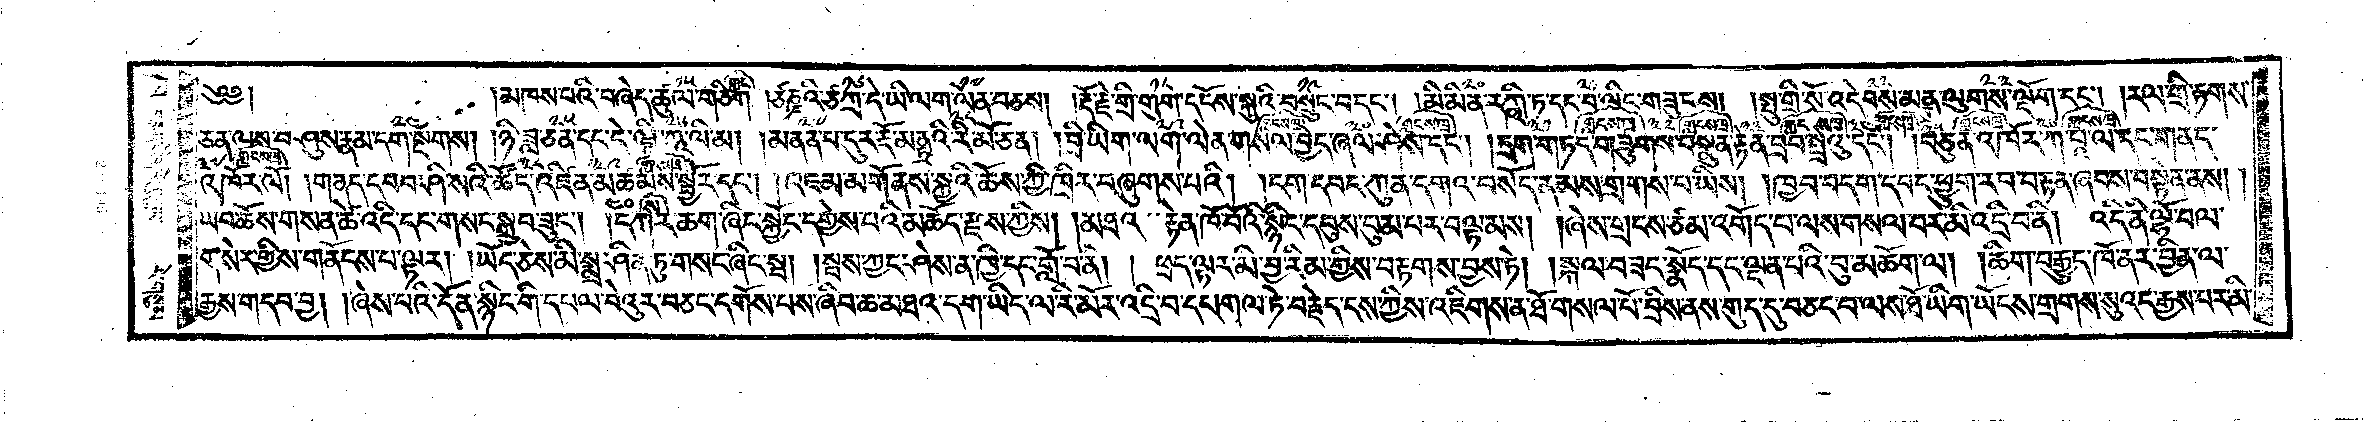༄༅། །མཁས་པའི་བཞེད་ཚུལ་གཅིག །ཙཎྜའི་ཙཀྲ་དེ་ཡི་ལག་ལན་བཅས། །རྡོ་རྗེ་གྲི་གུག་དངོས་སྐུའི་བསྲུང་བ་དང་། །མི་མིན་རཀྵི་ཏ་དང་བ་ལིང་གཟུངས། །སྤུ་གྲི་སོ་འདེབས་མན་ལུགས་ལྡོག་དང་། །རལ་གྲི་རྟགས་
ཅན་ལས་བཤུས་རྣམ་དག་སྡོགས། །ཉི་ཟླ་ཅན་དང་དེ་ལི་ཀཱ་ལི་མ། །མནན་པ་དུར་རྡོ་མནྟྲའི་རི་མོ་ཅན། །བྲི་ཡིག་ལག་ལེན་གསལ་བྱེད་ཞལ་ཤེས་དང་། །དྲག་གཏད་གཟུགས་བསྣུན་རྟེན་བྲབ་སྤྲེའུ་དང་། །བཅུན་འཁོར་ཀ་པཱ་ལ་དང་གནད་
འཁོར་ལོ། །གནད་དབབ་ཤི་སའི་ཚོད་འཛིན་མཚམས་སྦྱོར་དང་། །འཇམ་མགོན་ནས་སྐྱའི་ཆོས་ཀྱི་ཁྲིར་བཞུགས་པའི། །ངག་དབང་ཀུན་དགའ་བསོད་ནམས་གྲགས་པ་ཡིས། །ཁྱབ་བདག་དབང་ཕྱུག་རབ་བརྟན་ཞབས་བསྟེན་ནས། །
ཡབ་ཆོས་གསན་ཚེ་འདི་དང་གསང་སྒྲུབ་ཟུང་། །དཀར་ཆག་ཞིང་སྐྱོང་དགྱེས་པའི་མཆོད་རྫས་ཀྱིས། །མཐའ་རྟེན་ཁོ་བོའི་སྙིང་དབུས་བུམ་པར་བལྟམས། །ཞེས་གྲངས་ཙམ་འགོད་པ་ལས་གསལ་བར་མི་འདྲི་བ་ནི། འདི་ནི་ལྷོ་བལ་
གསེར་གྱིས་གནོངས་པ་ལྟར། །ཡོད་ཅེས་མི་སྨྲ་ཤིན་ཏུ་གསང་ཞིང་སྦ། །སྦས་ཀྱང་ཤེས་ན་ཁྱི་དང་གློ་བ་ནི། །ཕྲད་ལྟར་མི་བྱ་རིམ་གྱིས་བརྟགས་བྱས་ཏེ། །སྐལ་བཟང་སྣོད་དང་ལྡན་པའི་བུ་མཆོག་ལ། །ཆིག་བརྒྱུད་ཁོ་ནར་བྱིན་ལ་
རྒྱས་གདབ་བྱ། །ཞེས་པའི་དོན་སྙིང་གི་དཔལ་བེའུར་བཅང་དགོས་པས་ཞིབ་ཆ་མཐའ་དག་ཡིད་ལ་རི་མོར་འདྲི་བ་དང་། གལ་ཏེ་བརྗེད་ངས་ཀྱིས་འཇིགས་ན་ཐོ་གསལ་པོ་བྲིས་ནས་གུད་དུ་བཅང་བ་ལས་ཐོ་ཡིག་ཡོངས་གྲགས་སུའང་རྒྱས་པར་མི་